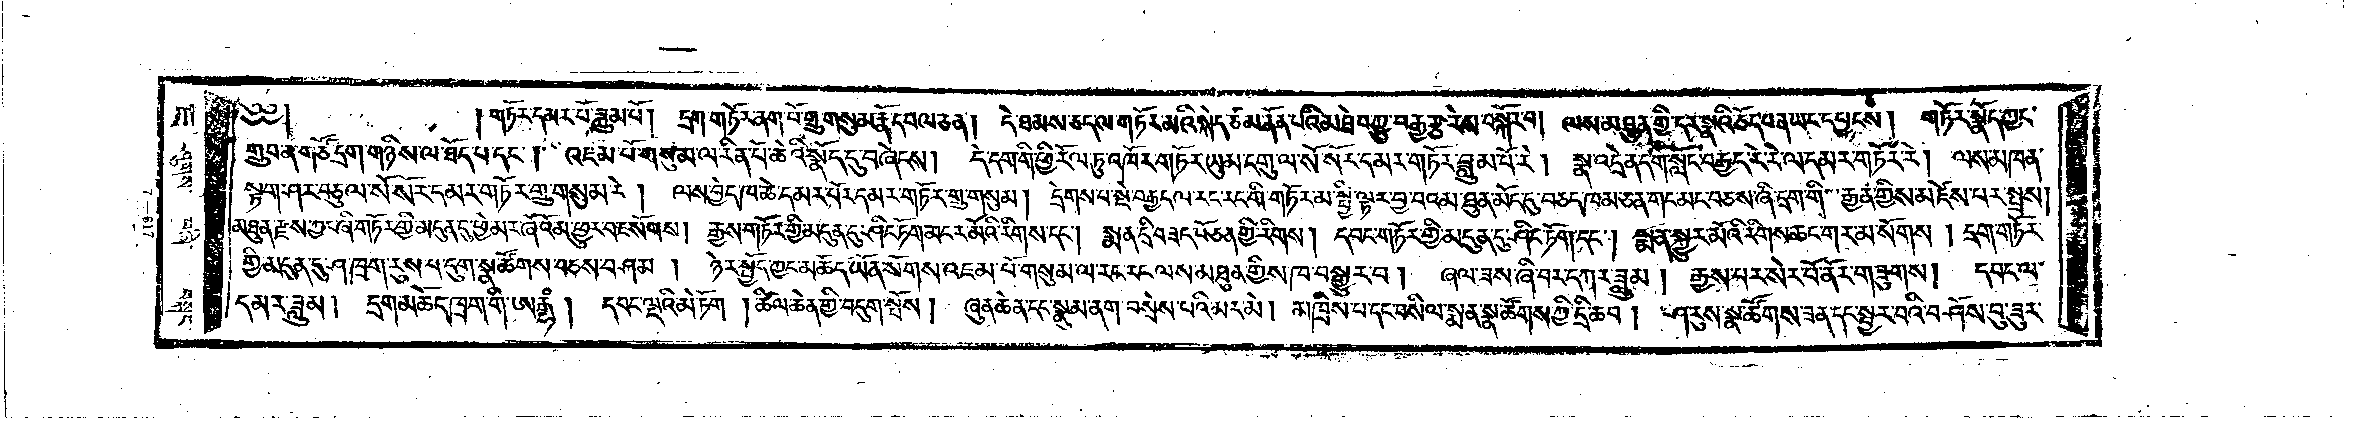༄༅། །གཏོར་དམར་པོ་ཟླུམ་པོ། དྲག་གཏོར་ནག་པོ་གྲུ་གསུམ་རྣོ་དཔལ་ཅན། དེ་ཐམས་ཅད་ལྟོར་མའི་སྐེད་ཙམ་ནོན་པའི་མ་ཐེབ་ཀྱུ་བརྒྱ་རྩ་རེས་བསྐོར་བ། ལས་མཐུན་གྱི་དར་སྣའི་ཅོད་པན་ཡང་དཔྱངས། གཏོར་སྣོད་ཀྱང་
གྲུབ་ན་གཙོ་དྲག་གཉིས་ལ་ཐོད་པ་དང་། འཇམ་པོ་གསུམ་ལ་རིན་པོ་ཆེའི་སྣོད་དུ་བཞེངས། དེ་དག་གི་ཕྱི་རོལ་ཏུ་འཁོར་གཏོར་ཡུམ་དགུ་ལ་སོ་སོར་དམར་གཏོར་ཟླུམ་པོ་རེ། སྣ་འདྲེན་དགེ་སློང་བརྒྱུད་རེ་རེ་ལ་དམར་གཏོར་རེ། ལས་མཁན་
སྟག་ཤར་བཅུ་ལ་སོ་སོར་དམར་གཏོར་གྲུ་གསུམ་རེ། ལས་བྱེད་ཁ་ཆེ་དམར་པོར་དམར་གཏོར་གྲུ་གསུམ། དྲེགས་པ་སྡེ་བརྒྱད་ལ་རང་རང་གི་གཏོར་མ་སྤྱི་ལྟར་བྱ་བའམ་ཐུན་མོང་དུ་བཅད་ལམ་ཅན་གང་མང་བཅས་ཞི་དྲག་གི་རྒྱན་གྱིས་མཛོད་པར་སྤྲས།
མཐུན་རྫས་ཀྱང་ཞི་གཏོར་གྱི་མདུན་དུ་ཕྱེ་མར་ཞོ་འོ་མ་ཕྱུར་བ་ཇ་སོགས། རྒྱས་གཏོར་གྱི་མདུན་དུ་ཤིང་ཏོག་མངར་མོའི་རིགས་དང་། སྨན་དྲི་བཟང་པོ་ཅན་གྱི་རིགས། དབང་གཏོར་གྱི་མདུན་དུ་ཤིང་ཏོག་དང་། སྨན་སྐྱུར་མོའི་རིགས་ཆང་གར་མ་སོགས། དྲག་གཏོར་
གྱི་མདུན་དུ་ཤ་ཁྲག་རུས་བ་དུག་སྣ་ཚོགས་བཅས་བསམ། ཉེར་སྤྱོད་ཀྱང་མཆོད་ཡོན་སོགས་འཇམ་པོ་གསུམ་ལ་རང་རང་ལས་མཐུན་གྱིས་ཁ་བསྒྱུར་བ། ཞལ་ཟས་ཞི་བར་དཀར་ཟླུམ། རྒྱས་པར་སེར་པོ་ནོར་གཟུགས། དབང་ལ་
དམར་ཟླུམ། དྲག་མཆོད་ཁྲག་གི་ཨརྒྷཾ། དབང་ལྔའི་མེ་ཏོག། ཚུལ་ཆེན་གྱི་བདུག་སྤོས། །ཞུན་ཆེན་དང་སྣུམ་ནག་བསྲེས་པའི་མར་མེ། མཁྲིས་པ་དང་བསིལ་སྨན་སྣ་ཚོགས་ཀྱི་དྲི་ཆ་བ། ཤ་རུས་སྣ་ཚོགས་ཟན་དང་སྦྱར་བའི་བཤོས་བུ་ཟུར་